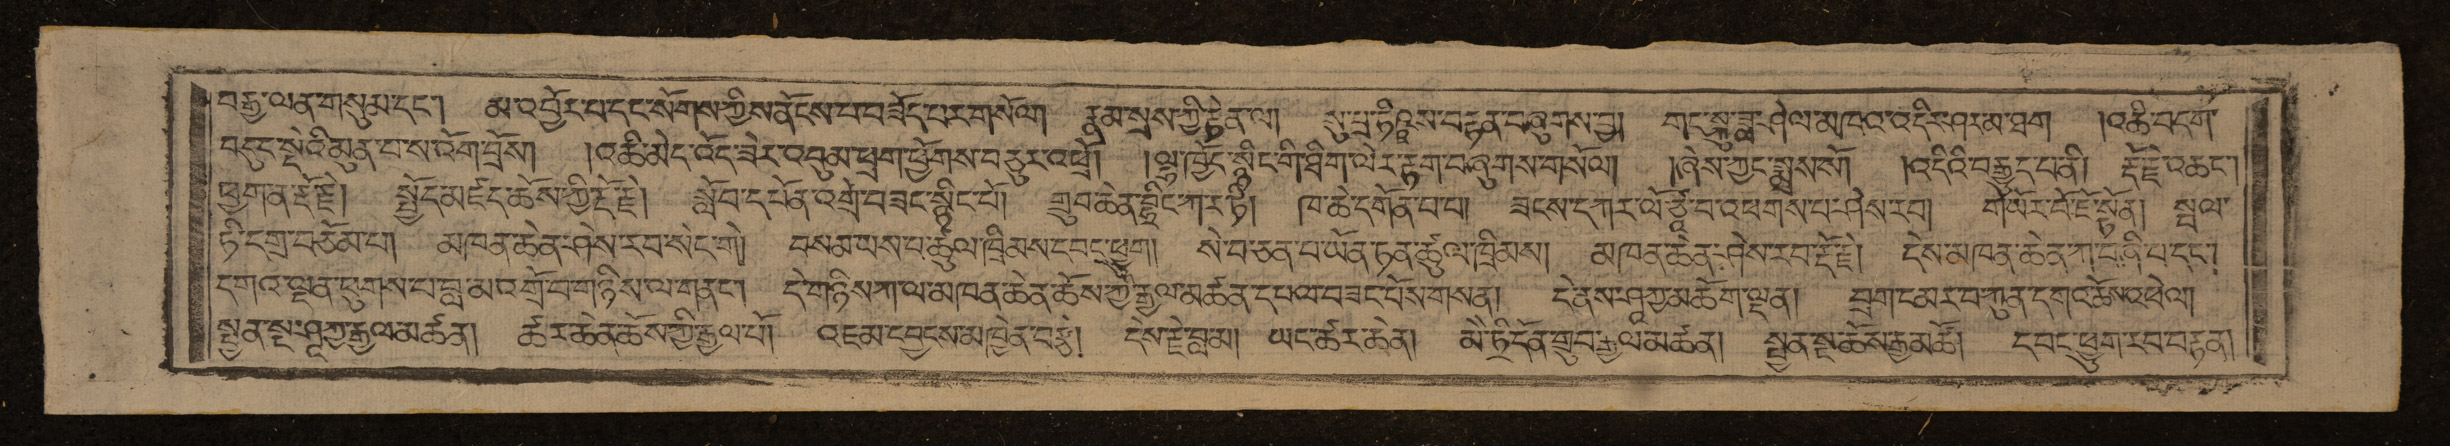བརྒྱ་ལན་གསུམ་དང་། མ་འབྱོར་པ་དང་སོགས་ཀྱིས་ནོངས་པ་བཟོད་པར་གསོལ། རྣམ་སྲས་ཀྱི་རྟེན་ལ། སུ་པྲ་ཏིཥཱས་བརྟན་བཞུགས་བྱ། གང་སྐུ་ཟླ་ཤེལ་མཁའ་འདིར་ཤར་མ་ཐག །འཆི་བདག་
བདུད་སྡེའི་མུན་པས་འོག་བྲོས། །འཆི་མེད་འོད་ཟེར་འབུམ་ཕྲག་ཕྱོགས་བཅུར་འཕྲོ། །ལྷ་ཁྱོང་སྙིང་གི་ཐིག་ལེར་རྟག་བཞུགས་གསོལ། །ཞེས་ཀྱང་སྨྲས་སོ། །འདིའི་བརྒྱུད་པ་ནི། རྡོ་རྗེ་འཆང་།
ཕྱག་ན་རྡོ་རྗེ། སྤྱོད་མཛད་ཆོས་ཀྱི་རྡོ་རྗེ། སློབ་དཔོན་འགྲོ་བཟང་སྙིང་པོ། གྲུབ་ཆེན་བྷྲི་ད་ཀ་ར་ཏི། ཁ་ཆེ་དགོན་པ་པ། ཟངས་དཀར་ལོ་ཙཱ་བ་འཕགས་པ་ཤེས་རབ། གཡེར་བོ་ཇོ་སྟོན། སྦལ་
ཏི་དགྲ་བཅོམ་པ། མཁན་ཆེན་ཤེས་རབ་སེང་གེ། བསམ་ཡས་པ་ཚུལ་ཁྲིམས་དབང་ཕྱུག། སེ་བ་ཅན་པ་ཡོན་ཏན་ཚུལ་ཁྲིམས། མཁན་ཆེན་ཤེས་རབ་རྡོ་རྗེ། དེས་མཁན་ཆེན་ཀ་བཞི་པ་དང་།
དགའ་ལྡན་ཕུགས་པ་བླ་མ་འགྲོ་བ་གཉིས་ལ་གནད། དེ་གཉིས་ཀ་ལ་མཁན་ཆེན་ཆོས་ཀྱི་རྒྱལ་མཚན་དཔལ་བཟང་པོས་གསན། དེ་ནས་ཤཱཀྱ་མཆོག་ལྡན། བྲག་དམར་བ་ཀུན་དགའ་ཆོས་འཕེལ།
སྤྱན་སྔ་ཤཱཀྱ་རྒྱལ་མཚན། ཚར་ཆེན་ཆོས་ཀྱི་རྒྱལ་པོ། འཇམ་དབྱངས་མཁྱེན་བརྩེ། དེས་རྗེ་བླ་མ། ཡང་ཚར་ཆེན། མཻ་ཏྲི་དོན་གྲུབ་རྒྱལ་མཚན། སྤྱན་སྔ་ཆོས་རྒྱ་མཚོ། དབང་ཕྱུག་རབ་བརྟན།